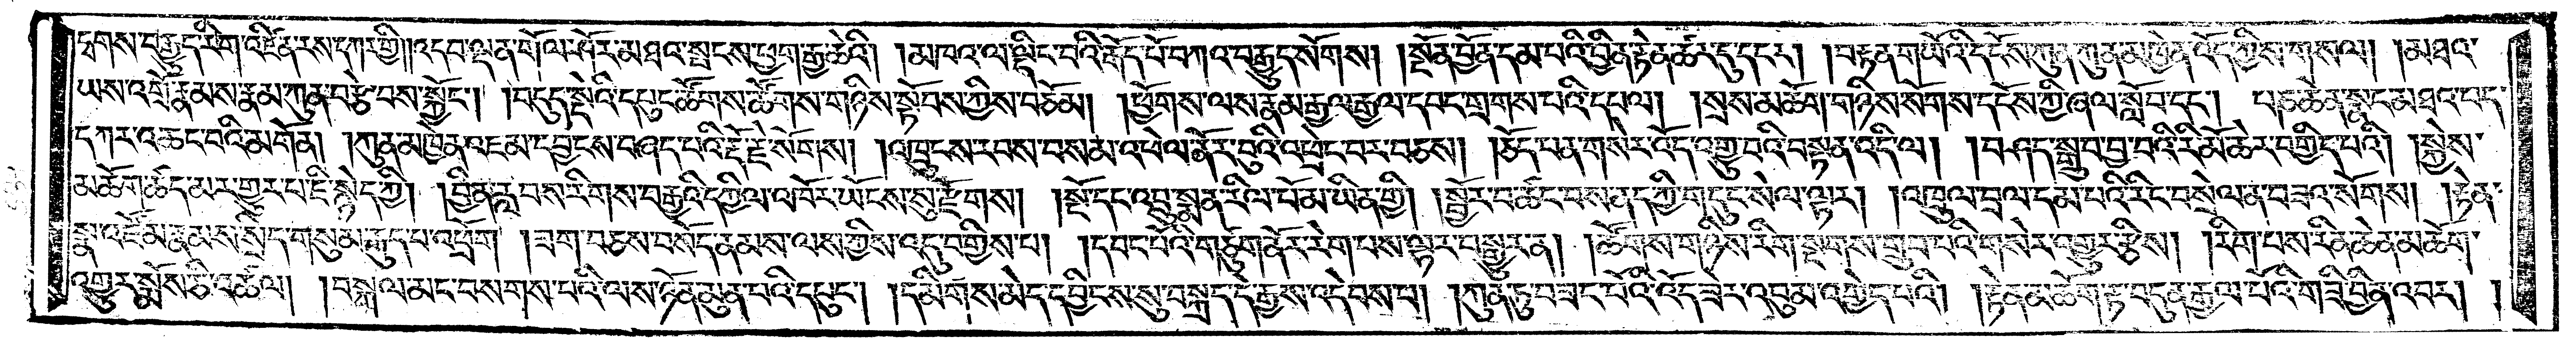དྭགས་བརྒྱུད་རིག་འཛིན་རས་དཀར་གྱི། །འདབ་ལྡན་གོལ་ཤོར་མཐའ་སྤངས་ཕྱག་རྒྱ་ཆེའི། །མཁའ་ལ་ལྡིང་བའི་རྒོད་པོ་བཀའ་བརྒྱུད་སོགས། །སྔོན་བྱོན་དམ་པའི་བྱིན་རྟེན་ཚར་དུ་དང་ར། །བརྟན་གཡོའི་དངོས་ཀུན་ཀུན་མཁྱེན་འོད་ཀྱིས་གསལ། །མཐའ་
ཡས་འགྲོ་རྣམས་རྣམ་ཀུན་བརྩེབས་པས་སྐྱོང་། །བདུད་སྡེའི་དབུང་ཚོགས་ཚོགས་གཉིས་སྟོབས་ཀྱིས་བཅོམ། །ཕྱོགས་ལས་རྣམ་རྒྱལ་རྒྱལ་དབང་གྲགས་པའི་དཔལ། །སྲས་མཆོག་གཉིས་སོགས་དངོས་ཀྱི་ཞལ་སློབ་དང་། པཎ་ཆེན་སྣང་མཐའ་བད་
དཀར་འཆང་བའི་མགོན། །ཀུན་མཁྱེན་འཇམ་དབྱངས་བཞད་པའི་རྡོ་རྗེ་སོགས། །འཁྲུངས་རབས་བསམ་འཕེལ་ནོར་བུའི་འཕྲེང་བར་བཅས། །ཅོད་པན་གསེར་འོད་འགྱུར་བའི་བསྟན་འདི་ལ། །བཤད་སྒྲུབ་བྱ་བའི་རི་མོ་ཆེར་བགྱིད་པའི། །སྐྱེས་
མཆོག་ཚད་མར་གྱུར་པ་ཇི་སྙེད་ཀྱི། །བྱིན་རླབས་རིགས་བརྒྱའི་དཀྱིལ་འཁོར་ཡོངས་སུ་རྫོགས། །སྔོ་དང་འབྲུ་སྨན་རིལ་བོ་མ་ཡིན་གྱི། །སྦྱོར་བ་ཚང་བས་ནད་ཀྱི་གདུང་སེལ་ལྟར། །འཁྲུལ་བྲལ་དམ་པའི་རིང་བསྲེལ་ན་བཟའ་སོགས། །རྟེན་
སྣ་འཛོམ་རྣམས་སྲིད་གསུམ་རྒུད་པ་འཕྲོག །ཟག་བཅས་བསོད་ནམས་ལས་ཀྱིས་འདུ་བགྱིས་པ། །དབང་པོའི་གཙུག་ནོར་རེག་པས་ལྟར་བསྒྱུར་ན། །ཚོགས་གཉིས་རིག་སྔགས་གྲུབ་པའི་གསེར་འགྱུར་རྩིས། །རིག་བས་རིན་ཆེན་མཆོག་
འགྱུར་སྨོས་ཅི་འཚལ། །བསྐལ་མང་བསགས་པའི་ལས་ཉོན་མུན་པའི་དབུང་། །དམིགས་མེད་དབྱིངས་སུ་བསྐྲད་དེ་རྒྱས་འདེབས་པ། །ཀུན་ཏུ་བཟང་པོའི་འོད་ཟེར་འབུམ་འགྱེད་པའི། །རྟེན་མཆོག་རྟ་འདུན་རྒྱལ་པོའི་གཟི་བྱིན་འབར། །